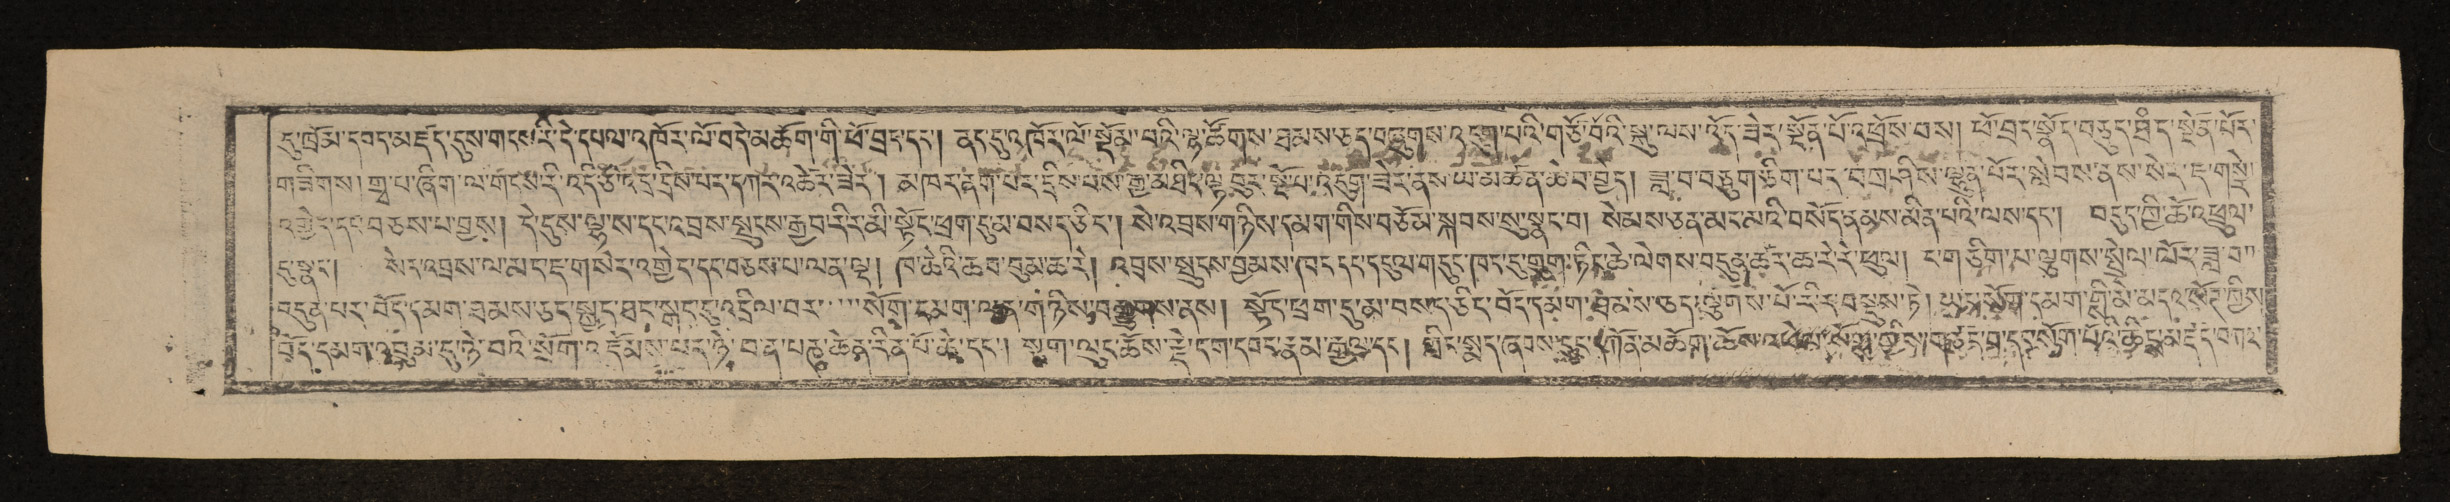དབང་མཛད་དུས་གངས་རི་དེ་དཔལ་འཁོར་ལོ་བདེ་མཆོག་གི་ཕོ་བྲང་དང་། ནང་དུ་འཁོར་ལོ་སྡོམ་པའི་ལྷ་ཚོགས་ཐམས་ཅད་བཞུགས་འདུག་པའི་གཙོ་བོའི་སྐུ་ལས་འོད་ཟེར་སྔོན་པོ་འཕྲོས་པས། ཕོ་བྲང་སྣོད་བཅུད་ཐམས་ཅད་སྔོན་
པོར་གཟིགས། གྲྭ་པ་ཞིག་ལ་གངས་རི་འདི་ཅི་འདྲ་དྲིས་པར་དཀར་འཚེར་ཟེར། མཁར་ནག་པར་དྲིས་པས་རྒྱ་མཐིང་ལྟ་བུར་སྔོ་བ་འདུག་ཟེར་ནས་ཡ་མཚན་ཆེ་བ་བྱེད། ཟླ་བ་བཅུ་གཅིག་པར་བཀྲ་ཤིས་ལྷུན་པོར་སླེབས་ནས་སེར་
ཇ་གསེར་འགྱེད་དང་བཅས་པ་བྱས། དེ་དུས་ལྷ་ས་དང་འབྲས་སྤུངས་རྒྱབ་རིར་མི་སྟོང་ཕྲག་དུ་མ་བསད་ཅིང་། སེ་འབྲས་གཉིས་དམག་གིས་བཅོམ་སྐབས་སུ་སྣང་བ། སེམས་ཅན་མང་མའི་བསོད་ནམས་མིན་པའི་ལས་དང་། བདུད་
ཀྱི་ཆོ་འཕྲུལ་དུ་སྣང་། སེར་འབྲས་ལ་མང་ཇ་གསེར་འགྱེད་དང་བཅས་པ་ལན་ལྔ། ཁ་ཆེའི་ཆབ་བུམ་ཆ་རེ། འབྲས་སྤུངས་བྱམས་ཁང་དང་དངུལ་གདུང་ཁང་དུ་གུག་ཏིང་ཆེ་ལེགས་བདུན་ཚར་ཆ་རེ་རེ་ཕུལ། ང་གཅིག་པ་ལྕགས་སྤྲེལ་ལོར་
ཟླ་བ་བདུན་པར་བོད་དམག་ཐམས་ཅད་སྐྱང་ཐང་སྒང་དུ་འདྲིལ་བར་སོག་དམག་ལན་གཉིས་བརྒྱུགས་ནས། སྟོང་ཕྲག་དུ་མ་བསད་ཅིང་བོད་དམག་ཐམས་ཅད་ལྕགས་པོ་རིར་བསྡུས་ཏེ། ཡང་སོག་དམག་གིས་མེ་མདའ་སོགས་ཀྱིས་
བོད་དམག་འབུམ་དུ་ཉེ་བའི་སྲོག་འཇོམས་པར་ཉེ་བ་ན་པཎ་ཆེན་རིན་པོ་ཆེ་དང་། སྟག་ལུང་ཆོས་རྗེ་ངག་དབང་རྣམ་རྒྱལ་དང་། གླིང་སྨད་ཞབས་དྲུང་དཀོན་མཆོག་ཆོས་འཕེལ་སོགས་ཀྱིས་གཙང་བ་དང་སོག་པོའི་ཆིངས་མཛད་བཀའ་ཁྲ་